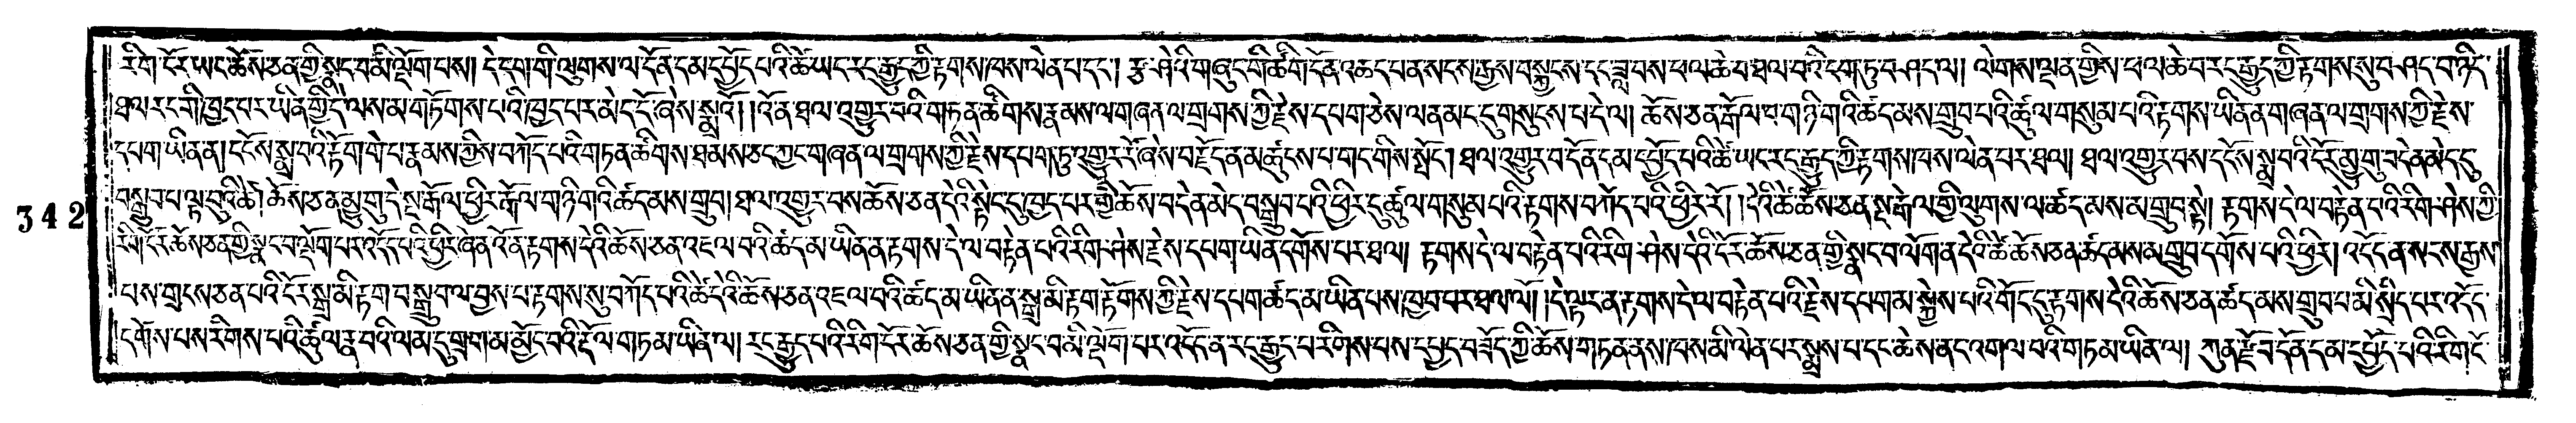རིག་ངོར་ཡང་ཆོས་ཅན་གྱི་སྣང་བ་མི་ལྡོག་པས། དེ་དག་གི་ལུགས་ལ་དོན་དམ་དཔྱོད་པའི་ཚེ་ཡང་རང་རྒྱུད་ཀྱི་རྟགས་ཁས་ལེན་པ་དང་། རྩ་ཤེའི་གཞུང་གི་ཚིག་དོན་འཆད་པ་ན་སངས་རྒྱས་བསྐྱངས་དང་ཟླ་བས་ཕལ་ཆེ་བ་ཐལ་བའི་ངག་ཏུ་བཤད་ལ། ལེགས་ལྡན་གྱིས་ཕལ་ཆེ་བ་རང་རྒྱུད་ཀྱི་རྟགས་སུ་བཤད་བ་ཉིད་
ཐལ་རང་གི་ཁྱད་པར་ཡིན་གྱི་དེ་ལས་མ་གཏོགས་པའི་ཁྱད་པར་མེད་དོ་ཞེས་སྨྲའོ། །འོ་ན་ཐལ་འགྱུར་བའི་གཏན་ཚིགས་རྣམས་ལ་གཞན་ལ་གྲགས་ཀྱི་རྗེས་དཔག་ཅེས་ལན་མང་དུ་གསུངས་པ་དེ་ལ། ཆོས་ཅན་རྒོལ་བ་གཉི་གའི་ཚད་མས་གྲུབ་པའི་ཚུལ་གསུམ་པའི་རྟགས་ཡིན་ན་གཞན་ལ་གྲགས་ཀྱི་རྗེས་
དཔག་ཡིན་ན། དངོས་སྨྲ་བའི་རྟོག་གེ་པ་རྣམས་ཀྱིས་བཀོད་པའི་གཏན་ཚིགས་ཐམས་ཅད་ཀྱང་གཞན་ལ་གྲགས་ཀྱི་རྗེས་དཔག་ཏུ་འགྱུར་རོ་ཞེས་བརྗོད་ན་མཚུངས་པ་གང་གིས་སྤོང་། ཐལ་འགྱུར་བ་དོན་དམ་དཔྱོད་པའི་ཚེ་ཡང་རང་རྒྱུད་ཀྱི་རྟགས་ཁས་ལེན་པར་ཐལ། ཐལ་འགྱུར་བས་དངོས་སྨྲ་བའི་ངོར་མྱུ་གུ་བདེན་མེད་དུ་
བསྒྲུབ་པ་ལྟ་བུའི་ཚེ། ཆོས་ཅན་མྱུ་གུ་དེ་སྔ་རྒོལ་ཕྱིར་རྒོལ་གཉི་གའི་ཚད་མས་གྲུབ། ཐལ་འགྱུར་བས་ཆོས་ཅན་དེའི་སྟེང་དུ་ཁྱད་པར་གྱི་ཆོས་བདེན་མེད་བསྒྲུབ་པའི་ཕྱིར་དུ་ཚུལ་གསུམ་པའི་རྟགས་བཀོད་པའི་ཕྱིར་རོ། །དེའི་ཚེ་ཆོས་ཅན་སྔ་རྒེལ་གྱི་ལུགས་ལ་ཚད་མས་མ་གྲུབ་སྟེ། རྟགས་དེ་ལ་བརྟེན་པའི་རིག་ཤེས་ཀྱི་
རིག་ངོར་ཆོས་ཅན་གྱི་སྣང་བ་ལྡོག་པར་འདོད་པའི་ཕྱིར་ཞེ་ན་འོ་ན་རྟགས་དེའི་ཆོས་ཅན་འཇལ་བའི་ཚད་མ་ཡིན་ན་རྟགས་དེ་ལ་བརྟེན་པའི་རིག་ཤེས་རྗེས་དཔག་ཡིན་དགོས་པར་ཐལ། རྟགས་དེ་ལ་བརྟེན་པའི་རིག་ཤེས་དེའི་ངོར་ཆོས་ཅན་གྱི་སྣང་བ་ལོག་ན་དེའི་ཚེ་ཆོས་ཅན་ཚད་མས་མ་གྲུབ་དགོས་པའི་ཕྱིར། འདོད་ན་སངས་རྒྱས་
པས་གྲངས་ཅན་པའི་ངོར་སྒྲ་མི་རྟག་བསྒྲུབ་ལ་བྱས་པ་རྟགས་སུ་བཀོད་པའི་ཚེ་དེའི་ཆོས་ཅན་འཇལ་བའི་ཚད་མ་ཡིན་ན་སྒྲ་མི་རྟོགས་ཀྱི་རྗེས་དཔག་ཚད་མ་ཡིན་པས་ཁྱབ་པར་ཐལ་ལོ། །དེ་ལྟར་ན་རྟགས་དེ་ལ་བརྟེན་པའི་རྗེས་དཔག་མ་སྐྱེས་པའི་གོང་དུ་རྟགས་དེའི་ཆོས་ཅན་ཚད་མས་གྲུབ་པ་མེ་སྲིད་པར་འདོད་
དགོས་པས་རིགས་པའི་ཚུལ་རྣ་བའི་ལམ་དུ་གྲག་མ་མྱོང་བའི་རྡོ་ལ་གཏམ་ཡིན་ལ། རང་རྒྱུད་པའི་རིག་ངོར་ཆོས་ཅན་གྱི་སྣང་བ་མི་ལྡོག་པར་འདོད་ན་རང་རྒྱུད་པ་རིགས་པས་དཔྱད་བཟོད་ཀྱི་ཆོས་གཏན་ནས་ཁས་མི་ལེན་པར་སྨྲས་པ་དང་ཆེས་ནང་འགལ་བའི་གཏམ་ཡིན་ལ། ཀུན་རྫོབ་དོན་དམ་དཔྱོད་པའི་རིག་ངོ་